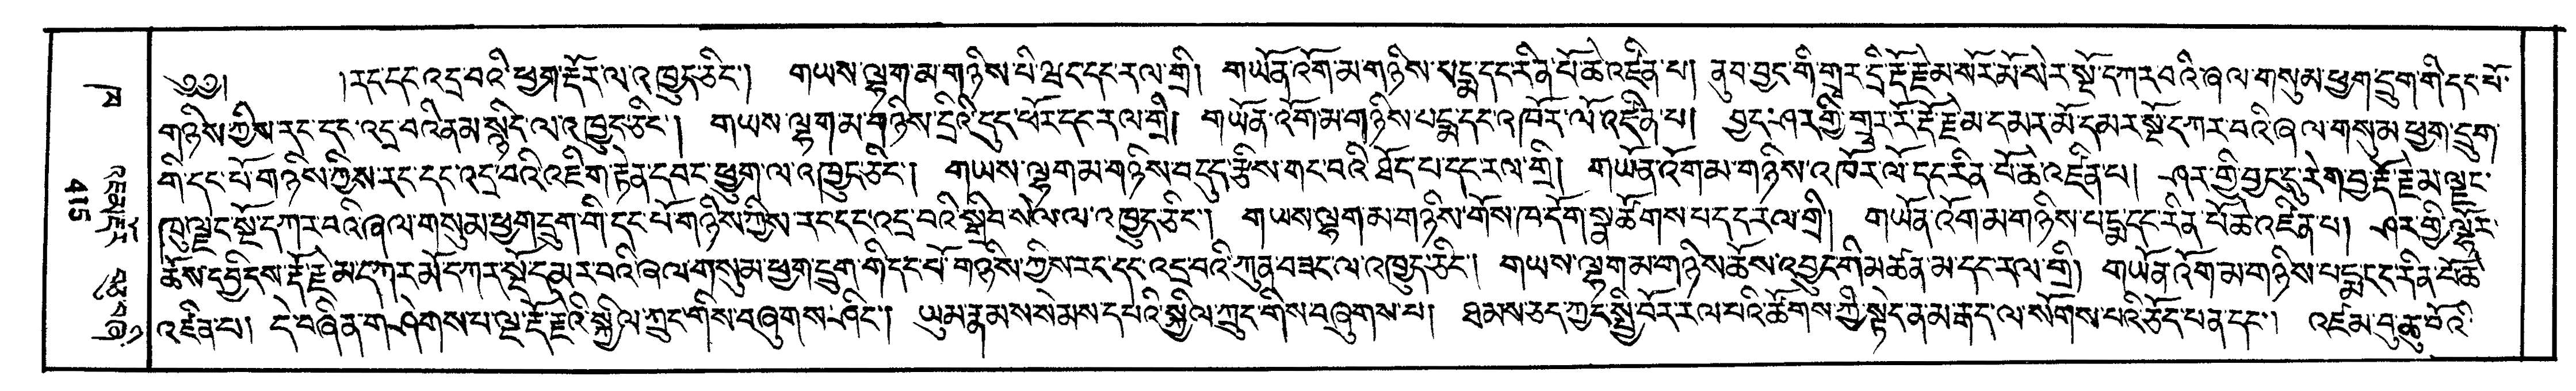༄༅། །རང་དང་འདྲ་བའི་ཕྱག་རྡོར་ལ་འཁྱུད་ཅིང་། གཡས་ལྷག་མ་གཉིས་པི་ཝང་དང་རལ་གྲི། གཡན་འོག་མ་གཉིས་པདམ་དང་རིན་པོ་ཆེ་འཛིན་པ། ནུབ་བྱང་གི་གྲྭར་དྲི་རྡོ་རྗེ་མ་སེར་མོ་སེར་སྔོ་དཀར་བའི་ཞལ་གསུམ་ཕྱག་དྲུག་གི་དང་པོ་
གཉིས་ཀྱིས་རང་དང་འདྲ་བའི་ནམ་སྙིང་ལ་འཁྱུད་ཅིང་། གཡས་ལྷག་མ་གཉིས་དྲིའི་དུང་ཕོར་དང་རལ་གྲི། གཡོན་འོག་མ་གཉིས་པདམ་དང་འཁོར་ལོ་འཛིན་པ། བྱང་ཤར་གྱི་གྲྭར་རོ་རྡོ་རྗེ་མ་དམར་མོ་དམར་སྔོ་དཀར་བའི་ཞལ་གསུམ་ཕྱག་དྲུག་
གི་དང་པོ་གཉིས་ཀྱིས་རང་དང་འདྲ་བའི་འཇིག་རྟེན་དབང་ཕྱུག་ལ་འཁྱུད་ཅིང་། གཡས་ལྷག་མ་གཉིས་བདུད་རྩིས་གང་བའི་ཐོད་པ་དང་རལ་གྲི། གཡོན་འོག་མ་གཉིས་འཁོར་ལོ་དང་རིན་པོ་ཆེ་འཛིན་པ། ཤར་གྱི་བྱང་དུ་རེག་བྱ་རྡོ་རྗེ་མ་ལྗང་
ཁུ་ལྗང་སྡེ་དཀར་བའི་ཞལ་གསུམ་ཕྱག་དྲུག་གི་དང་པོ་གཉིས་ཀྱིས་རང་དང་འདྲ་བའི་སྒྲིབ་སེལ་ལ་འཁྱུད་ཅིང་། གཡས་ལྷག་མ་གཉིས་གོས་ཁ་དོག་སྣ་ཚོགས་པ་དང་རལ་གྲི། གཡོན་འོག་མ་གཉིས་པདམ་དང་རིན་པོ་ཆེ་འཛིན་པ། ཤར་གྱི་ལྷོར་
ཆོས་དབྱིངས་རྡོ་རྗེ་མ་དཀར་མོ་དཀར་སྔོ་དམར་བའི་ཞལ་གསུམ་ཕྱག་དྲུག་གི་དང་པོ་གཉིས་ཀྱིས་རང་དང་འདྲ་བའི་ཀུན་བཟང་ལ་འཁྱུད་ཅིང་། གཡས་ལྷག་མ་གཉིས་ཆོས་འབྱུང་གི་མཚན་མ་དང་རལ་གྲི། གཡོན་འོག་མ་གཉིས་པདམ་དང་རིན་པོ་ཆེ་
འཛིན་པ། དེ་བཞིན་གཤེགས་པ་ལྔ་རྡོ་རྗེའི་སྐྱིལ་ཀྲུང་གིས་བཞུགས་ཤིང་། ཡུམ་རྣམས་སེམས་དཔའི་སྐྱིལ་ཀྲུང་གིས་བཞུགས་པ། ཐམས་ཅད་ཀྱང་སྤྱི་བོར་རལ་པའི་ཚོགས་ཀྱི་སྟེང་ན་མ་རྒད་ལ་སོགས་པའི་ཅོད་པན་དང་། འཛམ་བུ་ཆུ་བོའི་